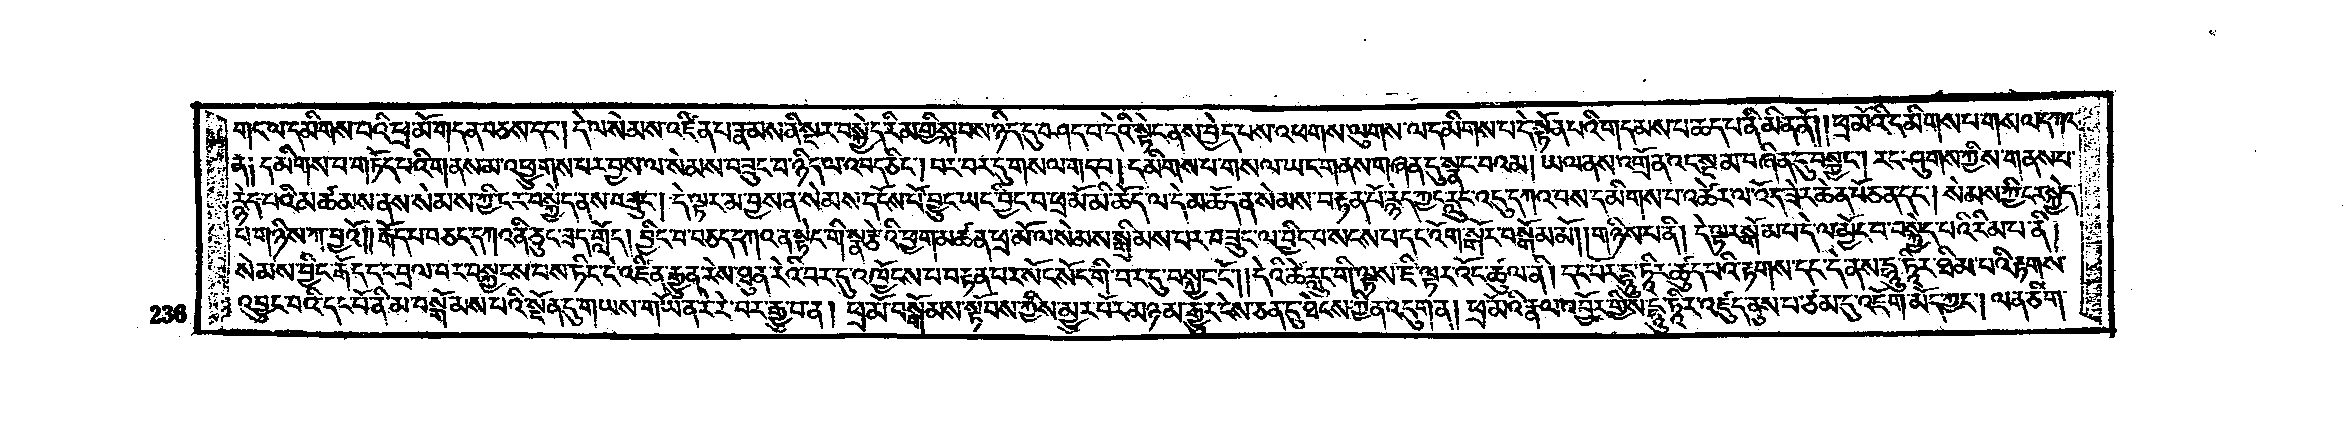གང་ལ་དམིགས་པའི་ཕྲ་མོ་གདན་བཅས་དང་། དེ་ལ་སེམས་འཛིན་པ་རྣམས་ནི་སྔར་བསྐྱེད་རིམ་གྱི་སྐབས་ཉིད་དུ་བཤད་པ་དེའི་སྟེང་ནས་བྱེད་པས་འཕགས་ལུགས་ལ་དམིགས་པ་དེ་སྟོན་པའི་གདམས་པ་ཆད་པ་ནི་མིན་ནོ། །ཕྲ་མོའི་དམིགས་པ་གསལ་དཀའ་
ན། དམིགས་པ་གཏོད་པའི་གནས་མ་འཕྱུགས་པར་བྱས་ལ་སེམས་བཟུང་བ་ཉིད་ལ་འབད་ཅིང་། བར་བར་དུ་གསལ་གདབ། དམིགས་པ་གསལ་ཡང་གནས་གཞན་དུ་སྣང་བའམ། ཡལ་ནས་འགྲོ་ནའང་སྔ་མ་བཞིན་དུ་བསྐྱང་། རང་ཤུགས་ཀྱིས་གནས་པ་
རྙེད་པའི་མཚམས་ནས་སེམས་ཀྱི་ངར་བསྐྱེད་ནས་བཟུང་། དེ་ལྟར་མ་བྱས་ན་སེམས་དངོས་པོ་བྱུང་ཡང་བྱིང་བ་ཕྲ་མོ་མི་ཆོད་ལ་དེ་མ་ཆོད་ན་སེམས་བརྟན་པོ་རྙེད་ཀྱང་རླུང་འདུ་དཀའ་བས་དམིགས་པ་འཚེར་ལ་འོད་ཟེར་ཆེན་པོ་ཅན་དང་། སེམས་ཀྱི་ངར་སྐྱེད་
པ་གཉིས་ཀ་བྱའོ། །རྒོད་པ་བཅད་དཀའ་ན་ཅུང་ཟད་གློད། བྱིང་བ་བཅད་དཀའ་ན་སྟེང་གི་སྣ་རྩེའི་ཕྱག་མཚན་ཕྲ་མོ་ལ་སེམས་སྒྲིམས་པར་བཟུང་ལ་བྱིང་བ་སངས་པ་དང་འོག་སྒོར་བསྒོམ་མོ། །གཉིས་པ་ནི། དེ་ལྟར་སྒོམ་པ་དེ་ལ་མྱོང་བ་བསྐྱེད་པའི་རིམ་པ་ནི།
སེམས་བྱིང་རྒོད་དང་བྲལ་བར་བསྐྱངས་པས་ཏིང་ངེ་འཛིན་རྒྱུན་རེས་ཐུན་རེའི་བར་དུ་འཁྱོངས་པ་བརྟན་པར་སོང་སོང་གི་བར་དུ་བསྐྱང་ངོ། །དེའི་ཚེ་རླུང་གི་ལྟས་ཇི་ལྟར་འོང་ཚུལ་ནི། དང་པོར་དྷཱུ་ཏཱིར་ཚུད་པའི་རྟགས་དང་དེ་ནས་དྷཱུ་ཏཱིར་ཐིམ་པའི་རྟགས་
འབྱུང་བའི་དང་པོ་ནི་མ་བསྒོམས་པའི་སྔོན་དུ་གཡས་གཡོན་རེ་རེ་བར་རྒྱུ་བ་ན། ཕྲ་མོ་བསྒོམས་སྟོབས་ཀྱིས་མྱུར་པོར་མཉམ་རྒྱུར་ངེས་ཅན་དུ་ཐེངས་ཀྱིན་འདུག་ན། ཕྲ་མོའི་རྣལ་འབྱོར་གྱིས་དྷཱུ་ཏཱིར་འཛུད་ནུས་པ་ཙམ་དུ་འཇོག་མོད་ཀྱང་། ལན་ཅིག་